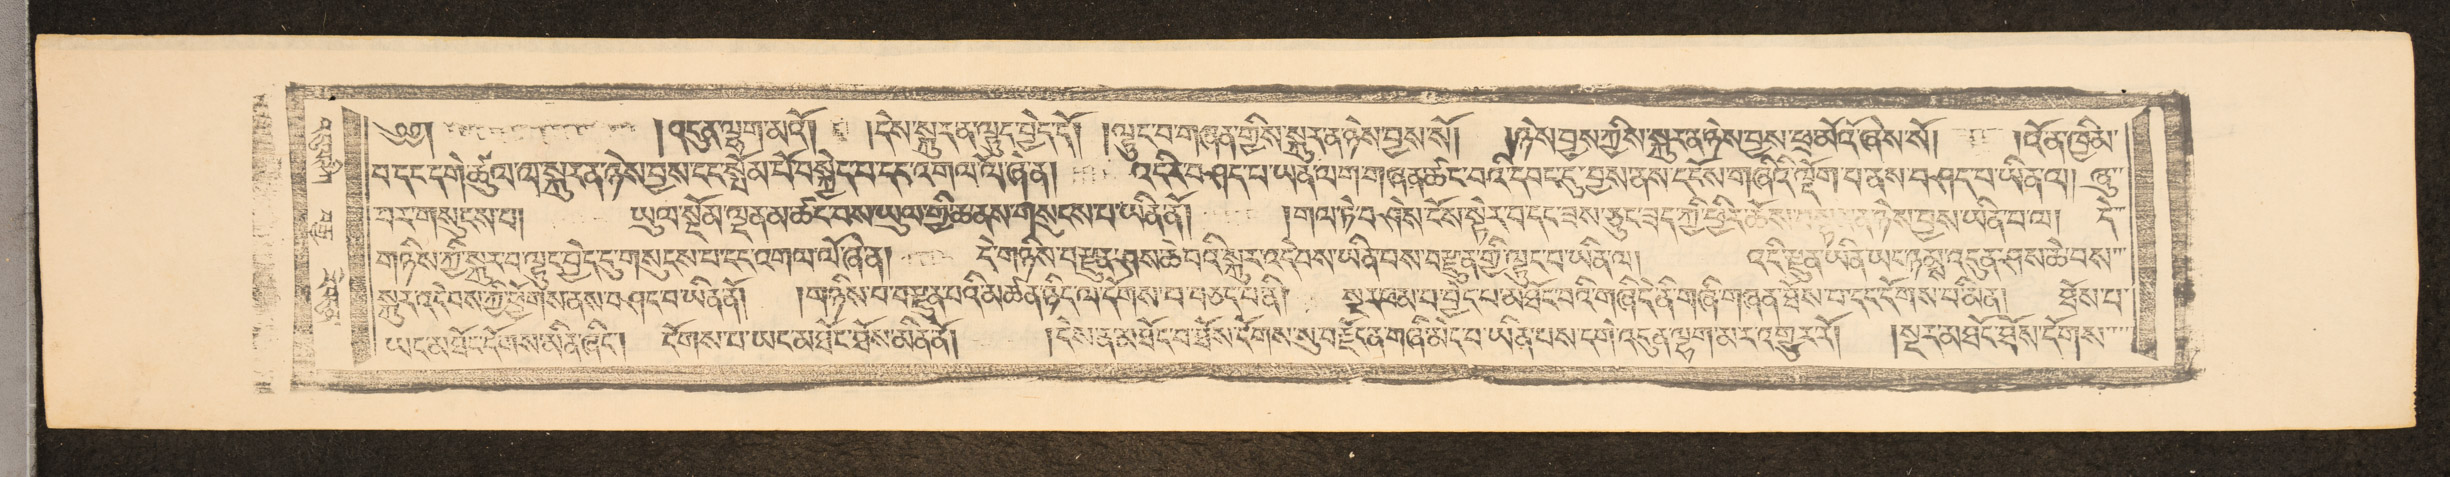༄༅། །འདུན་ལྷག་མའོ། །དེས་སྐུར་ན་ལྟུང་བྱེད་དོ། །ལྟུང་བ་གཞན་གྱིས་སྐུར་ན་ཉེས་བྱས་སོ། །ཉེས་བྱས་ཀྱིས་སྐུར་ན་ཉེས་བྱས་ཕྲ་མོའོ་ཞེས་སོ། །འོ་ན་ཁྱིམ་
པ་དང་དགེ་ཚུལ་ལ་སྐུར་ན་ཉེས་བྱས་དང་སྦོམ་པོ་བསྐྱེད་པ་དང་འགལ་ལོ་ཞེ་ན། འདིར་བཤད་པ་ཡན་ལག་གཞན་ཚད་བའི་དབང་དུ་བྱས་ནས་དངོས་གཞིའི་ལྡོག་པ་ནས་བཤད་པ་ཡིན་ལ། ཞུ་
བར་གསུངས་པ། ཡུལ་སྡོམ་ལྡན་མཚད་བས་ཡུལ་གྱི་ཆ་ནས་གསུངས་པ་ཡིན་ནོ། །གལ་ཏེ་བཤེས་ངོས་སྟེར་བ་དང་ཟས་ཅུང་ཟད་ཀྱི་ཕྱིར་ཆོས་བསྟན་ན་ཉེས་བྱས་ཡིན་པ་ལ། དེ་
གཉིས་ཀྱི་སྐུར་བ་ལྟུང་བྱེད་དུ་གསུངས་པ་དང་འགལ་ལོ་ཞེ་ན། དེ་གཉིས་བརྫུན་ཤས་ཆེ་བའི་སྐུར་འདེབས་ཡིན་པས་བརྫུན་གྱི་ལྟུང་བ་ཡིན་ལ། འདི་རྫུན་ཡིན་ཡང་ཉམས་འདུན་ཤས་ཆེ་བས་
སྐུར་འདེབས་ཀྱི་ཕྱོགས་ནས་བཤད་པ་ཡིན་ནོ། །གཉིས་པ་བརྫུན་པའི་མཚན་ཉིད་ལ་དོགས་པ་བཅད་པ་ནི། སྔར་ཕམ་པ་བྱེད་པ་མཐོང་བའི་གཞི་དེ་ནི་གཞི་གཞན་ཐོས་པ་དང་དོགས་པ་མིན། ཐོས་པ་
ཡང་མཐོང་དོགས་མིན་ཞིང་། དོགས་པ་ཡང་མཐོང་ཐོས་མིན་ནོ། །དེས་ན་མཐོང་བ་ཐོས་དོགས་སུ་བརྗོད་ན་གཞི་མེད་པ་ཡིན་པས་དགེ་འདུན་ལྷག་མར་འགྱུར་རོ། །སྔར་མཐོང་ཐོས་དོགས་